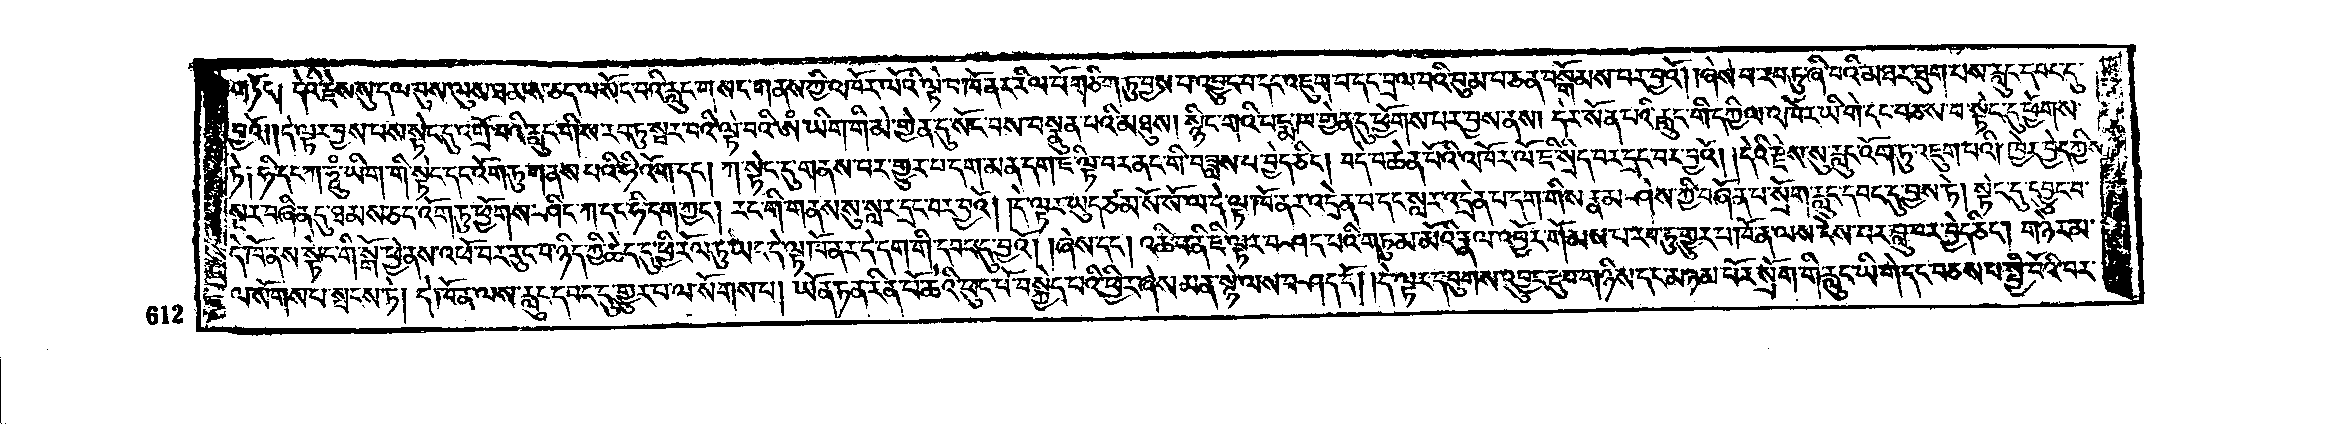གཏོང་། དེའི་རྗེས་སུ་དལ་བུས་ལུས་ཐམས་ཅད་ལ་སོང་བའི་རླུང་གསང་གནས་ཀྱི་འཁོར་ལོའི་ལྟེ་བ་ཁོ་ནར་རིལ་བོ་གཅིག་ཏུ་བྱས་པ་འབྱུང་བ་དང་འཇུག་པ་དང་བྲལ་བའི་བུམ་པ་ཅན་བསྒོམས་པར་བྱའོ། །ཞེས་པ་རབ་ཏུ་ཞི་བའི་མཐར་ཐུག་པས་རླུང་དབང་དུ་
བྱའོ། །དེ་ལྟར་བྱས་པས་སྟེང་དུ་འགྲོ་བའི་རླུང་གིས་རབ་ཏུ་སྦར་བའི་ལྟེ་བའི་ཨཾ་ཡིག་གི་མེ་གྱེན་དུ་སོང་བས་བསྣུན་པའི་མཐུས། སྙིང་གའི་པདམ་ཁ་གྱེན་དུ་ཕྱོགས་པར་བྱས་ནས། དེར་སོན་པའི་རླུང་གི་དཀྱིལ་འཁོར་ཡི་གེ་དང་བཅས་པ་སེང་དུ་ཕྱོགས་
ཏེ། ཧི་དང་ཀ་ཧཱུཾ་ཡིག་གི་སྟེང་དང་འོག་ཏུ་གནས་པའི་ཧི་འོག་དང་། ཀ་སྟེང་དུ་གནས་པར་གྱུར་བ་དག་མན་དག་ཇི་ལྟ་བར་ནང་གི་བཟླས་པ་བྱེད་ཅིང་། བདེ་བ་ཆེན་པོའི་འཁོར་ལོ་ཇི་སྲིད་པར་དྲང་བར་བྱའོ། །དེའི་རྗེས་སུ་རླུང་འོག་ཏུ་འཇུག་པའི། ཁྱེར་བྱེད་ཀྱིས་
སྔར་བཞིན་དུ་ཐམས་ཅད་འོག་ཏུ་ཕྱོགས་ཤིང་ཀ་དང་ཧི་དག་ཀྱང་། རང་གི་གནས་སུ་སླར་དྲང་བར་བྱའོ། །དེ་ལྟར་ཡུད་ཙམ་སོ་སོ་ལ་དེ་ལྟ་ཁོ་ནར་འདྲེན་པ་དང་སླར་འདྲེན་པ་དག་གིས་རྣམ་ཤེས་ཀྱི་བཞོན་པ་སྲོག་རླུང་དབང་དུ་བྱས་ཏེ། སྟེང་དུ་དབྱུང་བ་
དེ་ཁོ་ནས་སྟེང་གི་སྒོ་ཕྱེ་ནས་འཕོ་བར་རུང་བ་ཉིད་ཀྱི་ཆེད་དུ་ཕྱི་རོལ་ཏུ་ཡང་དེ་ལྟ་ཁོ་ནར་དེ་དག་གི་དབང་དུ་བྱའོ། །ཞེས་དང་། འཆི་བ་ནི་ཇི་ལྟར་བཤད་པའི་གཏུམ་མོའི་རྣལ་འབྱོར་གོམས་པ་རབ་ཏུ་གྱུར་བ་ཁོ་ན་ལས་ངེས་པར་བླུ་བར་བྱེད་ཅིང་། གཉེར་མ་
ལ་སོགས་པ་སྤངས་ཏེ། དེ་ཁོ་ན་ལས་རླུང་དབང་དུ་གྱུར་པ་ལ་སོགས་པ། ཡོན་ཏན་རིན་པོ་ཆེའི་ཕུང་པོ་བསྐྱེད་པའི་ཕྱིར་ཞེས་མན་སྙེ་ལས་བཤད་དོ། །དེ་ལྟར་དབུགས་འབྱུང་རྡུབ་གཉིས་དང་མཉམ་པོར་སྲོག་གི་རླུང་ཡི་གེ་དང་བཅས་པ་སྤྱི་བོའི་བར་